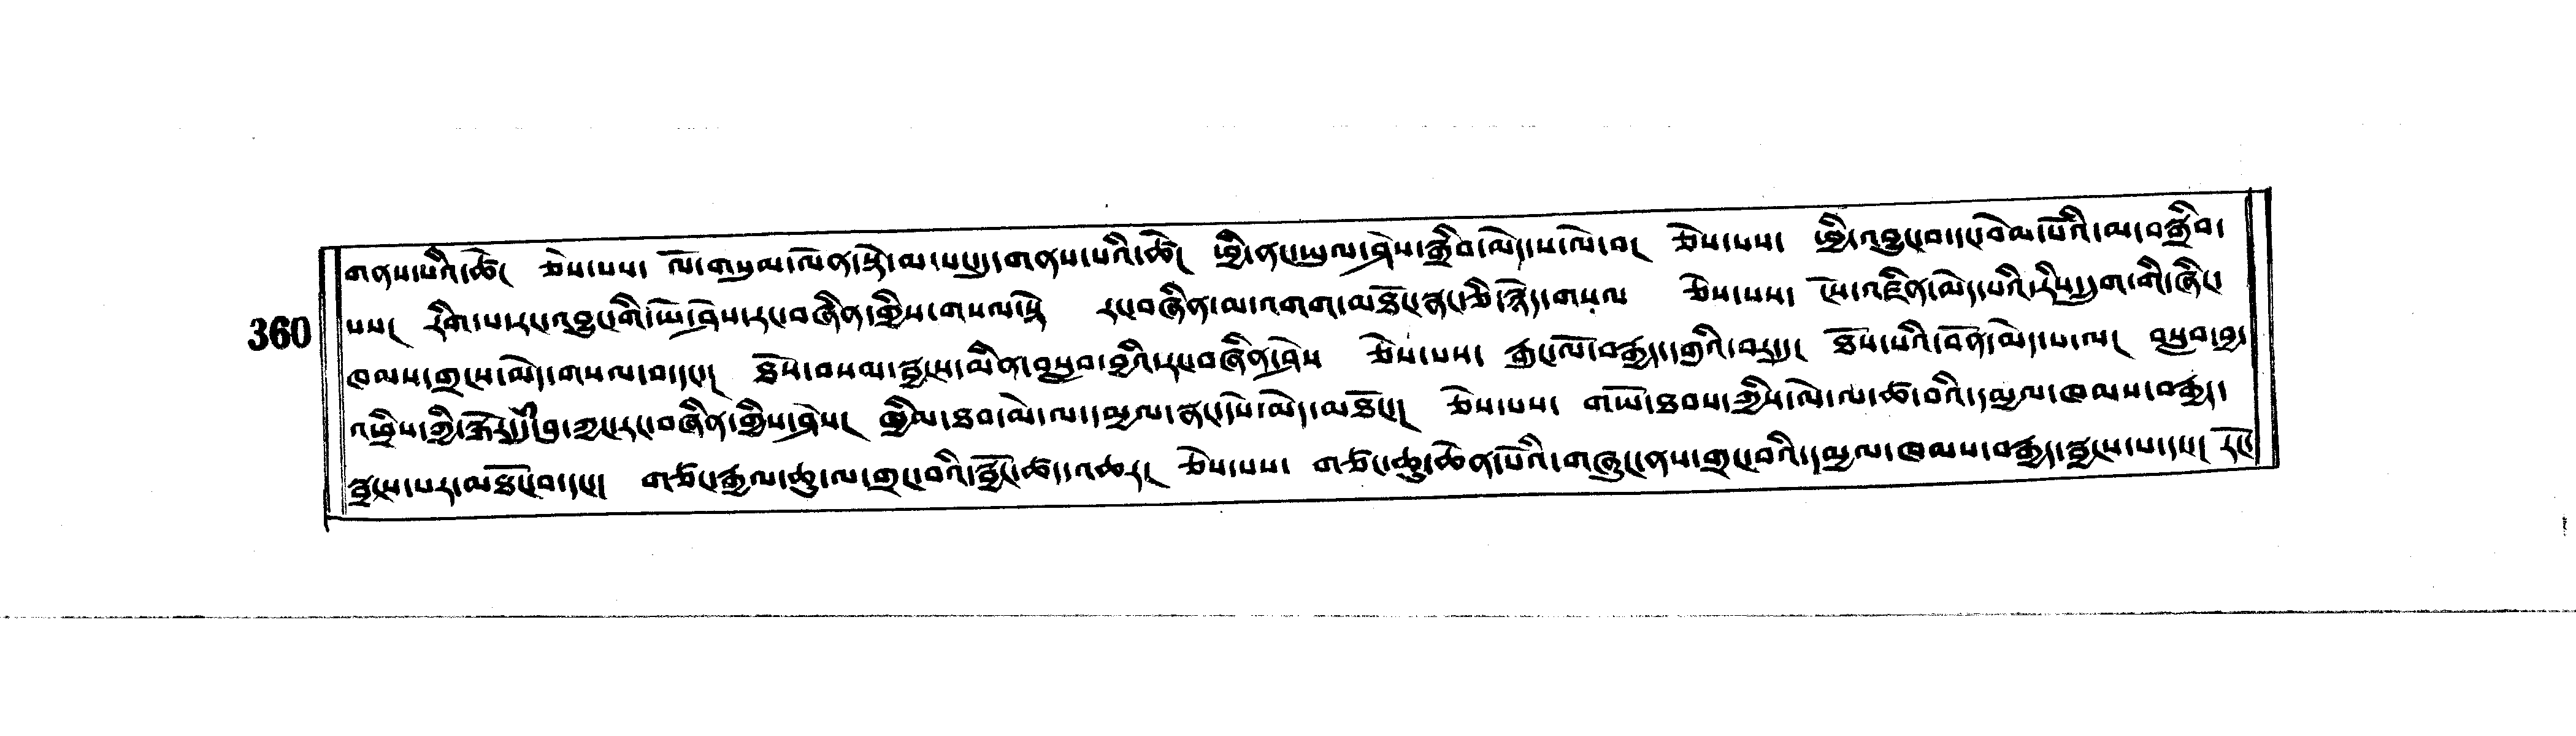གནས་པའི་ཚེ། ཅེས་པས། ལོ་གསུམ་ལོན་སྟེ་མ་པང་དུ་གནས་པའི་ཚེ། ཕྱི་ནང་ཡུལ་ཤེས་སྒྲིབ་མེད་ས་ལེ་བ། ཅེས་པས། ཕྱི་འབྱུང་བ་དང་བེམ་པོས་མ་བསྒྲིབས་
པས། རིག་པ་རང་འབྱུང་གི་ཡེ་ཤེས་རང་བཞིན་གྱིས་གསལ་ཏེ། རང་བཞིན་མ་འགག་མཐོང་སྣང་ཅི་སྙེད་གསལ། ཅེས་པས། ངོས་འཛིན་མེད་པའི་རིགས་དྲུག་གི་ཞིང་
ཁམས་གྲངས་མེད་གསལ་བ་དང་། ཐོས་བསམ་སྦྱངས་མིན་བསླབ་བྱའི་རང་བཞིན་ཤེས། ཅེས་པས། རྒུང་ལོ་བརྒྱད་དགུའི་བར་དུ། ཐོས་པའི་བོན་མེད་པ་ལ། བསླབ་བྱ་
འཕྲིས་ཀྱི་སྐོར་དུམ་བུ་ཀྱང་རང་བཞིན་གྱིས་ཤེས། ཁྱིམ་ཐབ་མེད་ལ་དམྱལ་སྣང་དཔེ་མེད་མཐོང་། ཅེས་པས། གཡོ་ཐབས་ཀྱིས་མེ་ལ་ཚ་བའི་དམྱལ་ཁམས་བརྒྱད་
སྦྱངས་པར་མཐོང་བ་དང་། གཙང་རྒྱལ་ཆུ་ལ་གྲང་བའི་སྦྱོང་ཚད་འཆར། ཅེས་པས། གཙང་ཆུ་ཆེན་པོའི་གཞུང་ནས་གྲང་བའི་དམྱལ་ཁམས་བརྒྱད་སྦྱངས་པ་དང་། རོང་